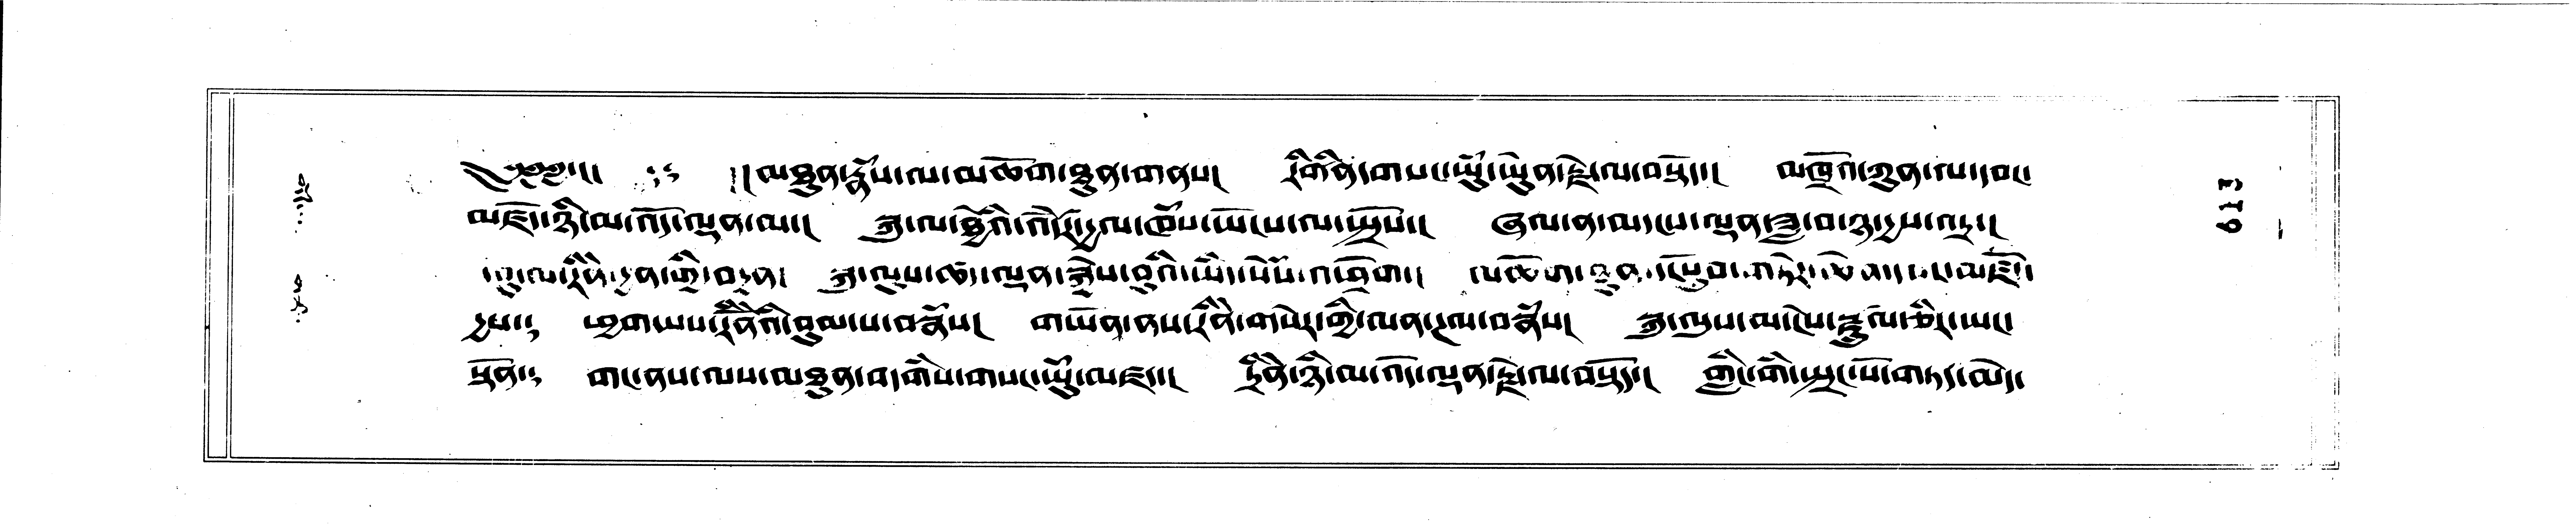ཅན་རྣམས་ལ་མཆོག་ཐུན་གནང་། རིག་འཛིན་སྲས་ཡུམ་ཡུམ་ཆེན་རྗེ་ལ་བསྟོད། མཁའ་འགྲོ་ཀུན་ལ་དབང་
མཛད་ཉི་མ་འོད་ལྡན་ནི། སྐུ་ལ་ཐུགས་རྗེའི་འོད་ཟེར་རྒྱལ་ཁམས་ཡོངས་ལ་སྤྲོ། ཞལ་ནི་དཀར་ལ་མདངས་ལྡན་ཟླ་བ་ཉ་རྒྱས་འདྲ།
དབུ་ལ་རིན་པོ་ཆེའི་རྒྱན་གྱི་བརྒྱན། སྐུ་ལུས་ཚད་ལྡན་སྐྱེས་བུའི་ཡིད་སེམས་འཕྲོག མཆོག་ཐུན་དངོས་གྲུབ་གཏེར་ཆེན་བང་མཛོད་
རྒྱས། ཕྱག་གཡས་རིན་པོ་ཆེའི་བུམ་པ་བསྣམས། ཕྱག་གཡོན་རིན་ཆེན་གསེར་གྱི་མནྜལ་བསྣམས། སྐུ་ལུས་མ་ངེས་རྫུ་འཕྲུལ་ཅིར་ཡང
་སྟོན། གོང་ནས་ལས་མཐུན་བདག་གིས་གསང་ཡུམ་མཛད། དྲིན་ཆེན་ཉི་མ་འོད་ལྡན་རྗེ་ལ་བསྟོད། གླིང་གི་སྤྲང་པོ་གཏད་མེད་